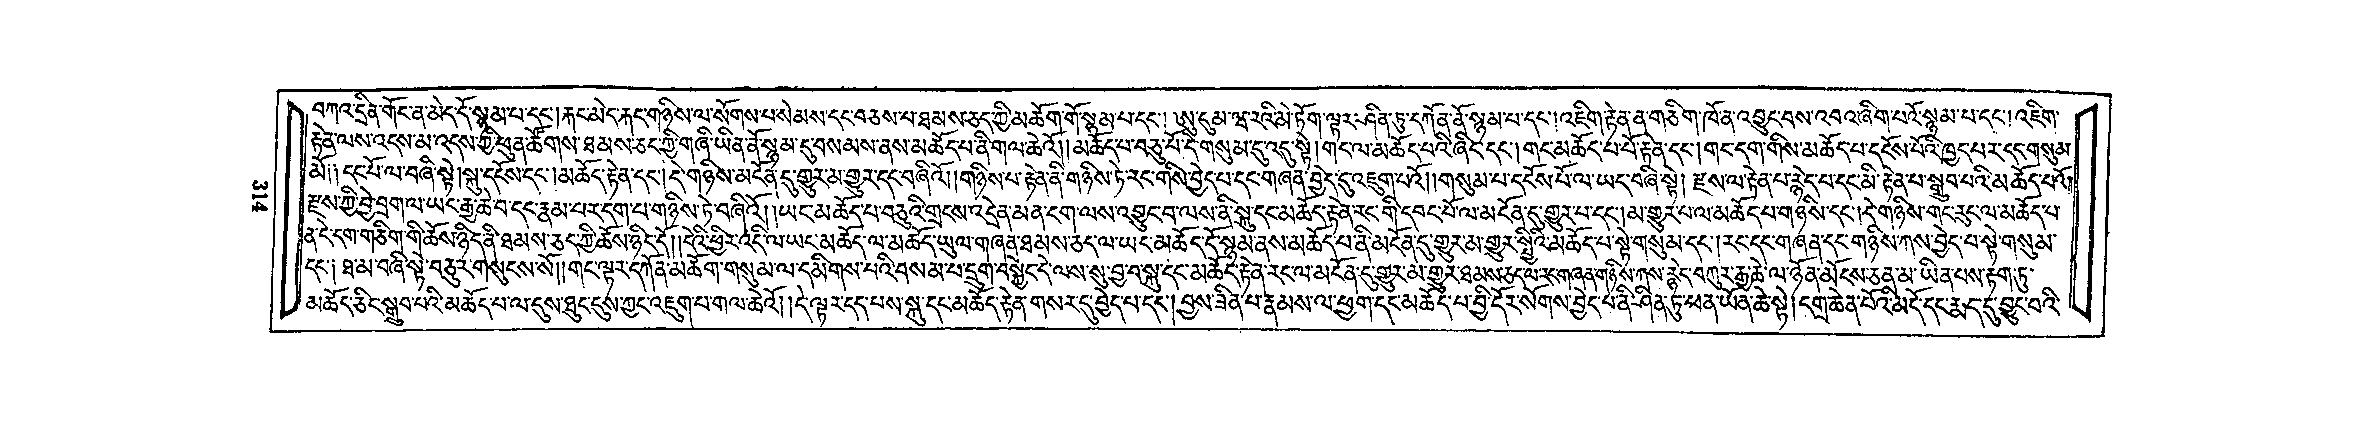བཀའ་དྲིན་གོང་ན་མེད་དོ་སྙམ་པ་དང་། རྐང་མེད་རྐང་གཉིས་ལ་སོགས་པ་སེམས་དང་བཅས་པ་ཐམས་ཅད་ཀྱི་མཆོག་གོ་སྙམ་པ་དང་། ཨུ་དུམ་ཝ་རའི་མེ་ཏོག་ལྟར་ཤིན་ཏུ་དཀོན་ནོ་སྙམ་པ་དང་། འཇིག་རྟེན་ན་གཅིག་ཁོ་ན་འབྱུང་བས་འབའ་ཞིག་པའོ་སྙམ་པ་དང་། འཇིག་
རྟེན་ལས་འདས་མ་འདས་ཀྱི་ཕུན་ཚོགས་ཐམས་ཅད་ཀྱི་གཞི་ཡིན་ནོ་སྙམ་དུ་བསམས་ནས་མཆོད་པ་ནི་གལ་ཆེའོ། །མཆོད་པ་བཅུ་པོ་དེ་གསུམ་དུ་འདུ་སྟེ། གང་ལ་མཆོད་པའི་ཞིང་དང་། གང་མཆོད་པ་པོ་རྟེན་དང་། གང་དག་གིས་མཆོད་པ་དངོས་པོའི་ཁྱད་པར་དང་གསུམ་
མོ། །དང་པོ་ལ་བཞི་སྟེ། སྐུ་དངོས་དང་། མཆོད་རྟེན་དང་། དེ་གཉིས་མངོན་དུ་གྱུར་མ་གྱུར་དང་བཞིའོ། །གཉིས་པ་རྟེན་ནི་གཉིས་ཏེ་རང་གིས་བྱེད་པ་དང་གཞན་བྱེད་དུ་འཇུག་པའོ། །གསུམ་པ་དངོས་པོ་ལ་ཡང་བཞི་སྟེ། རྫས་ལ་རྟེན་པ་རྙེད་པ་དང་མི་རྟེན་པ་སྒྲུབ་པའི་མཆོད་པའོ། །
རྫས་ཀྱི་བྱེ་བྲག་ལ་ཡང་རྒྱ་ཆེ་བ་དང་རྣམ་པར་དག་པ་གཉིས་ཏེ་བཞིའོ། །ཡང་མཆོད་པ་བཅུའི་གྲངས་འདྲེན་མན་ངག་ལས་འབྱུང་བ་ལས་ནི་སྐུ་དང་མཆོད་རྟེན་རང་གི་དབང་པོ་ལ་མངོན་དུ་གྱུར་པ་དང་། མ་གྱུར་པ་ལ་མཆོད་པ་གཉིས་དང་། དེ་གཉིས་གང་རུང་ལ་མཆོད་པ་
ན་དེ་དག་གཅིག་གི་ཆོས་ཉིད་ནི་ཐམས་ཅད་ཀྱི་ཆོས་ཉིད་དོ། །དེའི་ཕྱིར་འདི་ལ་ཡང་མཆོད་ལ་མཆོད་ཡུལ་གཞན་ཐམས་ཅད་ལ་ཡང་མཆོད་དོ་སྙམ་ནས་མཆོད་པ་ནི་མངོན་དུ་གྱུར་མ་གྱུར་སྤྱིའི་མཆོད་པ་སྟེ་གསུམ་དང་། རང་དང་གཞན་དང་གཉིས་ཀས་བྱེད་པ་སྟེ་གསུམ་
དང་། ཐ་མ་བཞི་སྟེ་བཅུར་གསུངས་སོ། །གང་ལྟར་དཀོན་མཆོག་གསུམ་ལ་དམིགས་པའི་བསམ་པ་དྲུག་བསྐྱེད་དེ་ལས་སུ་བྱ་བ་སྐུ་དང་མཆོད་རྟེན་རང་ལ་མངོན་དུ་གྱུར་མ་གྱུར་ཐམས་ཅད་ལ་རང་གཞན་གཉིས་ཀས་རྙེད་བཀུར་རྒྱ་ཆེ་ལ་ཉོན་མོངས་ཅན་མ་ཡིན་པས་རྟག་ཏུ་
མཆོད་ཅིང་སྒྲུབ་པའི་མཆོད་པ་ལ་དུས་ཐུང་དུས་ཀྱང་འཇུག་པ་གལ་ཆེའོ། །དེ་ལྟར་དད་པས་སྐུ་དང་མཆོད་རྟེན་གསར་དུ་བྱེད་པ་དང་། བྱས་ཟིན་པ་རྣམས་ལ་ཕྱག་དང་མཆོད་པ་བྱི་དོར་སོགས་བྱེད་པ་ནི་ཤིན་ཏུ་ཕན་ཡོན་ཆེ་སྟེ། དགྲ་ཆེན་པོའི་མདོ་དང་རྨད་དུ་བྱུང་བའི་